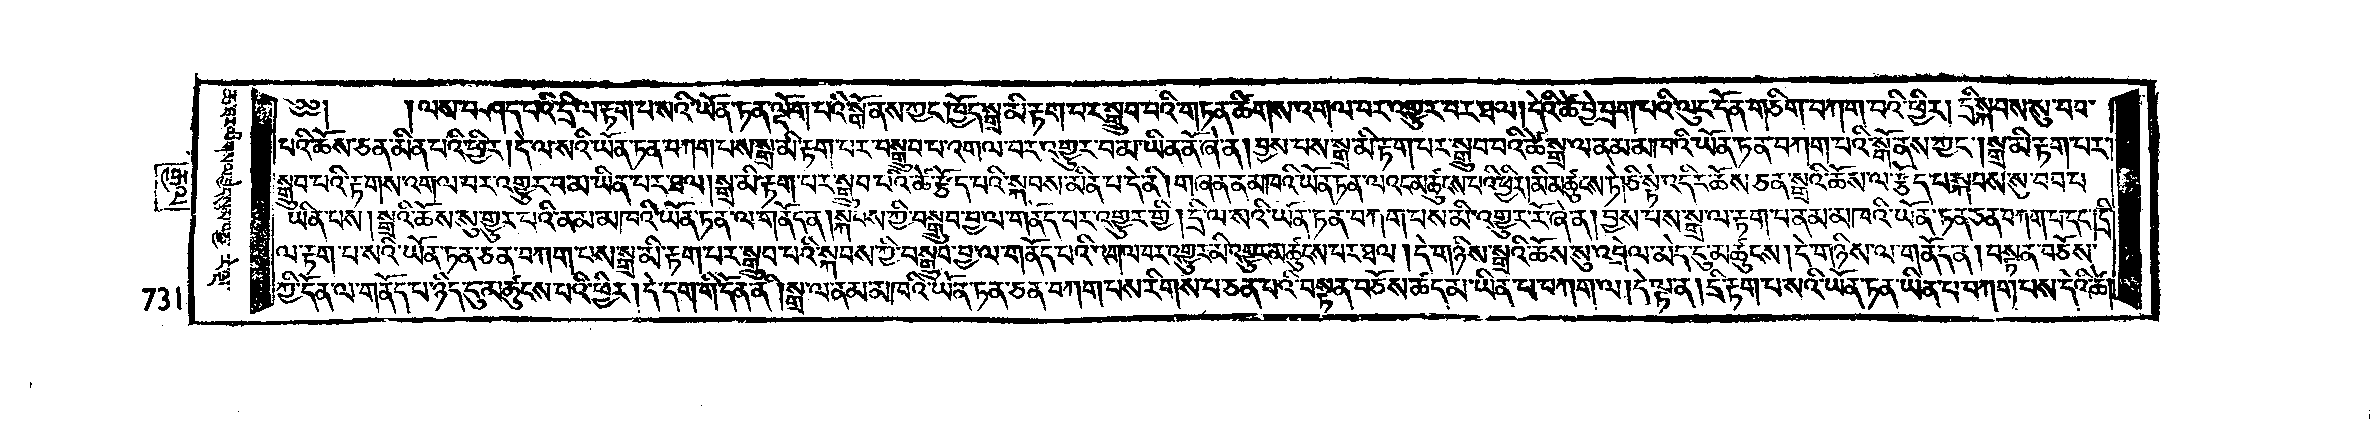༄༅། །ལས་བཤད་པའི་དྲི་ལ་རྟག་པ་སའི་ཡོན་ཏན་ལྡོག་པའི་སྒོ་ནས་ཀྱང་ཁྱོད་སྒྲ་མི་རྟག་པར་སྒྲུབ་པའི་གཏན་ཚིགས་འགལ་བར་འགྱུར་བར་ཐལ། དེའི་ཚེ་བྱེ་བྲག་པའི་ལུང་དོན་གཅིག་བཀག་པའི་ཕྱིར། དྲི་སྐབས་སུ་བབ་
པའི་ཆོས་ཅན་མིན་པའི་ཕྱིར། དེ་ལ་སའི་ཡོན་ཏན་བཀག་པས་སྒྲ་མི་རྟག་པར་བསྒྲུབ་པ་འགལ་བར་འགྱུར་བ་མ་ཡིན་ནོ་ཞེ་ན། བྱས་པས་སྒྲ་མི་རྟག་པར་སྒྲུབ་པའི་ཚེ་སྒྲ་ལ་ནམ་མཁའི་ཡོན་ཏན་བཀག་པའི་སྒོ་ནས་ཀྱང་། སྒྲ་མི་རྟག་པར་
སྒྲུབ་པའི་རྟགས་འགལ་བར་འགྱུར་བ་མ་ཡིན་པར་ཐལ། སྒྲ་མི་རྟག་པར་སྒྲུབ་པའི་ཚེ་རྩོད་པའི་སྐབས་མིན་པ་དེ་ནི། གཞན་ནམ་མཁའི་ཡོན་ཏན་ལའང་མཚུངས་པའི་ཕྱིར། མི་མཚུངས་ཏེ། ཅི་སྟེ་འདིར་ཆོས་ཅན་སྒྲའི་ཆོས་ལ་རྩོད་པ་སྐབས་སུ་བབ་པ་
ཡིན་པས། སྒྲའི་ཆོས་སུ་གྱུར་པའི་ནམ་མཁའི་ཡོན་ཏན་ལ་གནོད་ན། སྐབས་ཀྱི་བསྒྲུབ་བྱ་ལ་གནོད་པར་འགྱུར་གྱི། དྲི་ལ་སའི་ཡོན་ཏན་བཀག་པས་མི་འགྱུར་རོ་ཞེ་ན། བྱས་པས་སྒྲ་ལ་རྟག་པ་ནམ་མཁའི་ཡོན་ཏན་ཅན་བཀག་པ་དང་། དྲི་
ལ་རྟག་པ་སའི་ཡོན་ཏན་ཅན་བཀག་པས་སྒྲ་མི་རྟག་པར་སྒྲུབ་པའི་སྐབས་ཀྱི་བསྒྲུབ་བྱ་ལ་གནོད་པའི་འགལ་བར་འགྱུར་མི་འགྱུར་མཚུངས་པར་ཐལ། དེ་གཉིས་སྒྲའི་ཆོས་སུ་འབྲེལ་མེད་དུ་མཚུངས། དེ་གཉིས་ལ་གནོད་ན། བསྟན་བཅོས་
ཀྱི་དོན་ལ་གནོད་པ་ཉིད་དི་མཚུངས་པའི་ཕྱིར། དེ་དག་གི་དོན་ནི། སྒྲ་ལ་ནམ་མཁའི་ཡོན་ཏན་ཅན་བཀག་པས་རིགས་པ་ཅན་པའི་བསྟན་བཅོས་ཚད་མ་ཡིན་པ་བཀག་ལ། དེ་ལྟ་ན། དྲི་རྟག་པ་སའི་ཡོན་ཏན་ཡིན་པ་བཀག་པས་དེའི་ཚེ།